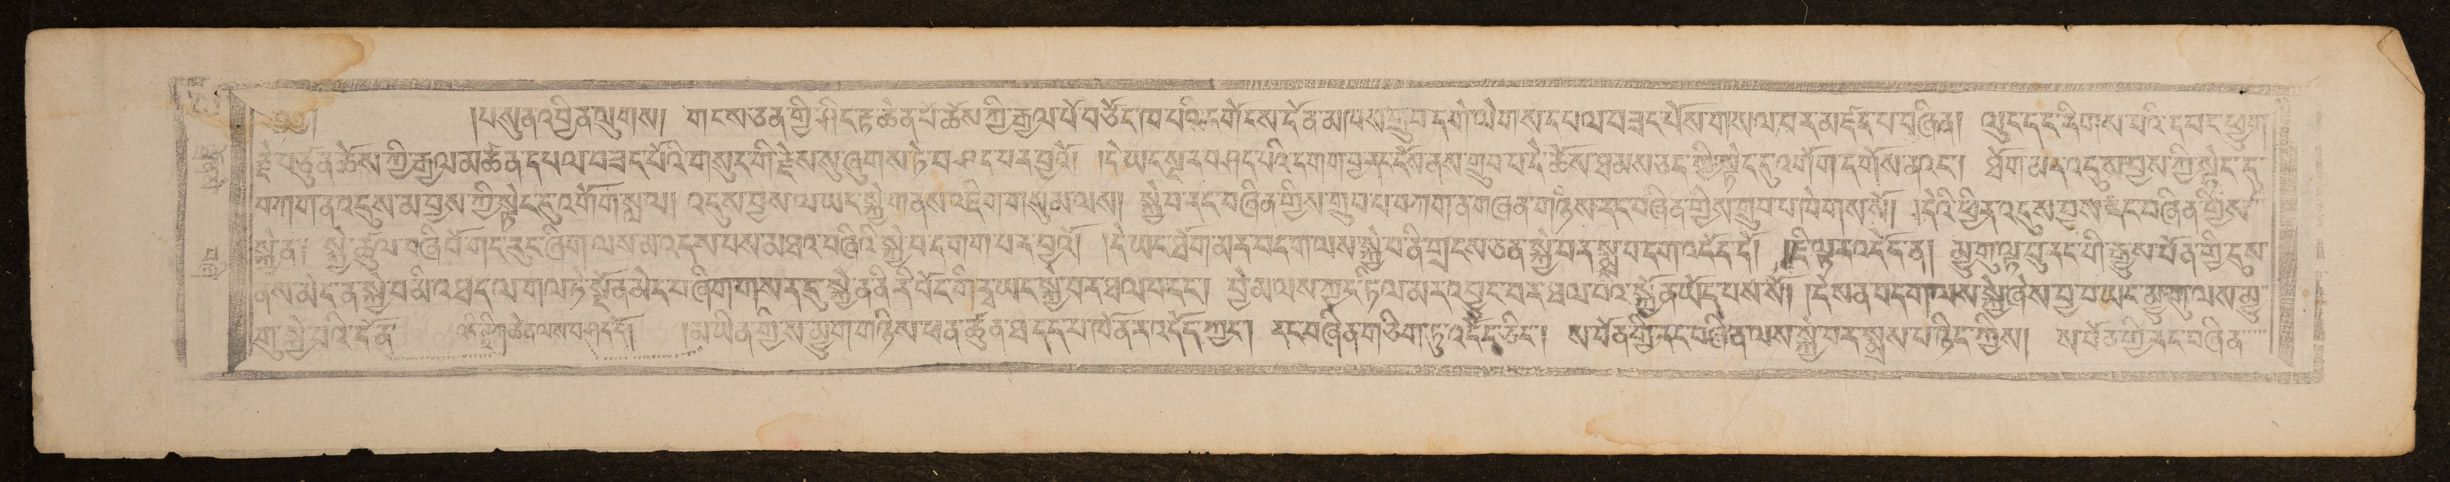༄༅། །པ་སུན་འབྱིན་ལུགས། གངས་ཅན་གྱི་ཤིང་རྟ་ཆེན་པོ་ཆོས་ཀྱི་རྒྱལ་པོ་གཙོང་ཁ་པའི་དགོངས་དོན་མཁས་གྲུབ་དགེ་ལེགས་དཔལ་བཟང་པོས་གསལ་བར་མཛད་པ་བཞིན། ལུང་དང་རིགས་པའི་དབང་ཕྱུག་
རྗེ་བཙུན་ཆོས་ཀྱི་རྒྱལ་མཚན་དཔལ་བཟང་པོའི་གསུང་གི་རྗེས་སུ་ཞུགས་ཏེ་བཤད་པར་བྱའོ། །དེ་ཡང་སྔར་བཤད་པའི་དགག་བྱ་རང་ངོས་ནས་གྲུབ་པ་དེ་ཆོས་ཐམས་ཅད་ཀྱི་སྟེང་དུ་འགོག་དགོས་ནའང་། ཐོག་མར་འདུས་བྱས་ཀྱི་སྟེང་དུ་
བཀག་ན་འདུས་མ་བྱས་ཀྱི་སྟེང་དུ་འགོག་སླ་ལ། འདུས་བྱས་ལ་ཡང་སྐྱེ་གནས་འཇིག་གསུམ་ལས། སྐྱེ་བ་རང་བཞིན་གྱིས་གྲུབ་པ་བཀག་ན་གཞན་གཉིས་རང་བཞིན་གྱིས་གྲུབ་པ་ཁེགས་སོ། །དེའི་ཕྱིར་འདུས་བྱས་རང་བཞིན་གྱིས་
སྐྱེ་ན། སྐྱེ་ཚུལ་བཞི་པོ་གང་རུང་ཞིག་ལས་མ་འདས་པས་མཐའ་བཞིའི་སྐྱེ་བ་དགག་པར་བྱའོ། །དེ་ཡང་ཐོག་མར་བདག་ལས་སྐྱེ་བ་ནི་གྲངས་ཅན་སྐྱེ་བར་སྨྲ་བ་དག་འདོད་དོ། །ཇི་ལྟར་འདོད་ན། མྱུ་གུ་ལྟ་བུ་རང་གི་རྒྱུ་ས་བོན་གྱི་དུས་
ནས་མེད་ན་སྐྱེ་བ་མི་འཐད་ལ་གལ་ཏེ་སྔོན་མེད་པ་ཞིག་གསར་དུ་སྐྱེ་ན་ནི་རི་བོང་གི་རྭ་ཡང་སྐྱེ་བར་ཐལ་བ་དང་། བྱེ་མ་ལས་ཀྱང་ཏིལ་མར་འབྱུང་བར་ཐལ་བའི་སྐྱོན་ཡོད་པས་སོ། །དེས་ན་བདག་ལས་སྐྱེ་ཞེས་བྱ་བ་ཡང་མྱུ་གུ་ལས་མྱུ་
གུ་སྐྱེ་བའི་དོན་འདི་ཊཱིཀ་ཆེན་ལས་བཤད་དོ།  །མ་ཡིན་གྱི་ས་མྱུག་གཉིས་ཕན་ཚུན་ཐ་དད་པ་ཁོ་ནར་འདོད་ཀྱང་། རང་བཞིན་གཅིག་ཏུ་འདོད་ཅིང་། ས་བོན་གྱི་རང་བཞིན་ལས་སྐྱེ་བར་སྨྲས་པ་ཉིད་ཀྱིས། ས་བོན་གྱི་རང་བཞིན་